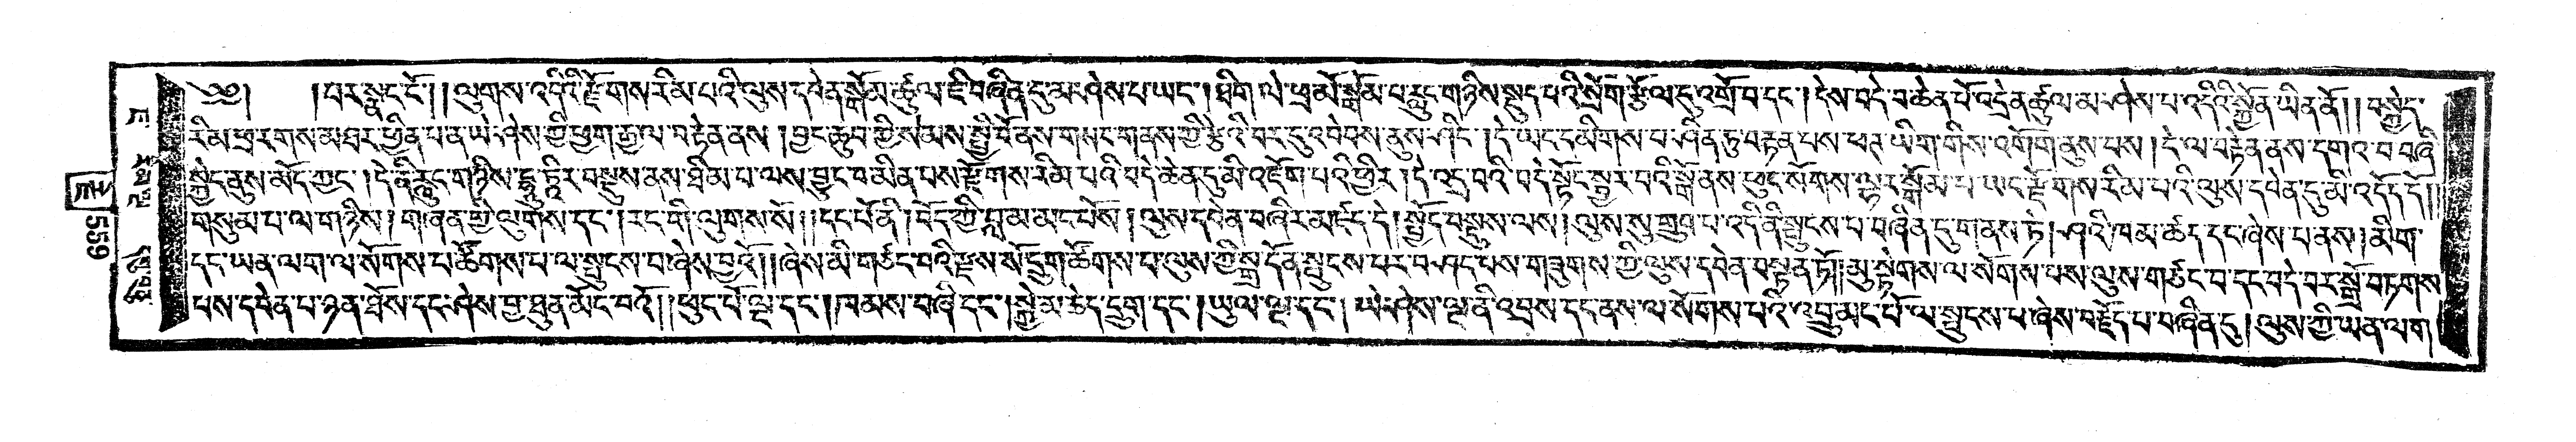༄༅། །པར་སྣང་ངོ། །ལུགས་འདིའི་རྫོགས་རིམ་པའི་ལུས་དབེན་སྒོམ་ཚུལ་ཇི་བཞིན་དུ་མ་ཤེས་པ་ཡང་། ཐིག་ལེ་ཕྲ་མོ་སྒོམ་པ་རླུང་གཉིས་སྡུད་པའི་སྲོག་རྩོལ་དུ་འགྲོ་བ་དང་། དེས་བདེ་བ་ཆེན་པོ་འདྲེན་ཚུལ་མ་ཤེས་པ་འདིའི་སྐྱོན་ཡིན་ནོ། །བསྐྱེད་
རིམ་ཕྲ་རགས་མཐར་ཕྱིན་པ་ན་ཡེ་ཤེས་ཀྱི་ཕྱག་རྒྱ་ལ་བརྟེན་ནས། བྱང་ཆུབ་ཀྱི་སེམས་སྤྱི་བོ་ནས་གསང་གནས་ཀྱི་རྩེའི་བར་དུ་འབེབས་ནུས་ཤིང་།དེ་ཡང་དམིགས་པ་ཤིན་ཏུ་བརྟན་པས་ཕཊ་ཡིག་གིས་འགོ་ནུས་པས། དེ་ལ་བརྟེན་ནས་དགའ་བ་བཞི་
སྐྱེས་ནུས་མོད་ཀྱང་། དེ་ནི་རླུང་གཉིས་དྷཱུ་ཏཱིར་བསྡུས་ནས་ཐིམ་པ་ལས་བྱུང་བ་མིན་པས་རྫོགས་རིམ་པའི་བདེ་ཆེན་དུ་མི་འཇོག་པའི་ཕྱིར། དེ་འདྲ་བའི་བདེ་སྟོང་སྦྱར་བའི་སྒོ་ནས་ཕུང་སོགས་ལྷར་སྒོམ་པ་ཡང་རྫོགས་རིམ་པའི་ལུས་དབེན་དུ་མི་འདོད་དོ། །
གསུམ་པ་ལ་གཉིས། གཞན་གྱི་ལུགས་དང་། རང་གི་ལུགས་ལུགས་སོ། །དང་པོ་ནི། བོད་ཀྱི་བླ་མ་མང་པོས། ལུས་དབེན་བཞིར་མཛད་དེ། སྤྱོད་བསྡུས་ལས། ལུས་སུ་གྲུབ་པ་འདི་ནི་སྤུངས་པ་བཞིན་དུ་གནས་ཏེ། ཤའི་ཁམ་ཚད་དང་ཞེས་པ་ན་།མིག་
དང་ཡན་ལག་ལ་སོགས་པ་ཚོགས་པ་ལ་སྤུངས་པ་ཞེས་བྱའོ། །ཞེས་མི་གཙང་བའི་རྫས་སོ་དྲུག་ཚོགས་པ་ལུས་ཀྱི་སྒྲ་དོན་སྤུངས་པར་བཤད་པས་གཟུགས་ཀྱི་ལུས་བདེན་བསྟན་ཏོ། །མུ་སྟེགས་ལ་སོགས་པས་ལུས་གཙང་བ་དང་བདེ་བར་སྒྲོ་བཏགས་
པས་དབེན་པ་ཉན་ཐོས་དང་ཤེས་བྱ་ཐུན་མོང་བའོ། །ཕུང་པོ་ལྔ་དང་། ཁམས་བཞི་དང་། སྐྱེ་མཆེད་དྲུག་དང་། ཡུལ་ལྔ་དང་། ཡེ་ཤེས་ལྔ་ནི་འབྲས་དང་ནས་ལ་སོགས་པའི་འབྲུ་མང་པོ་ལ་སྤུངས་པ་ཞེས་བརྗོད་པ་བཞིན་དུ། ལུས་ཀྱི་ཡན་ལག་